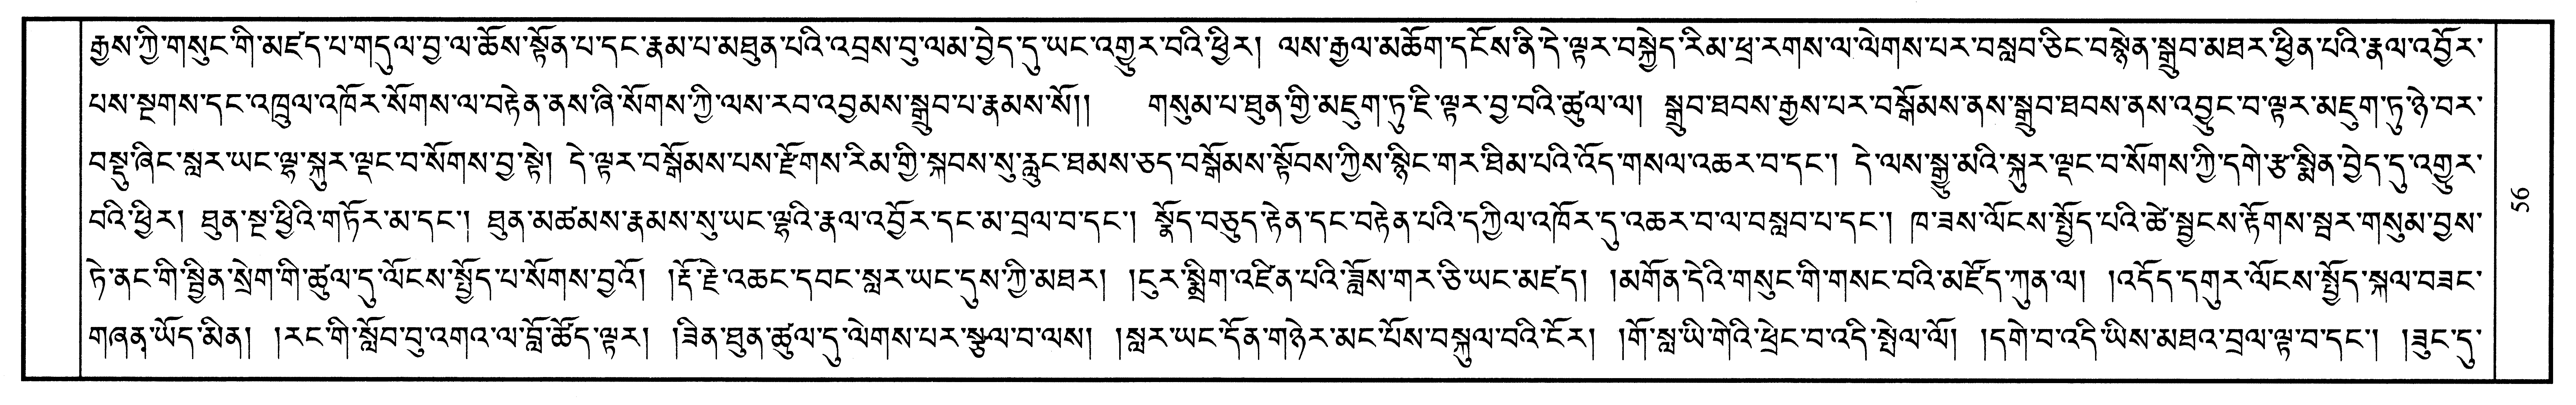རྒྱས་ཀྱི་གསུང་གི་མཛད་པ་གདུལ་བྱ་ལ་ཆོས་སྟོན་པ་དང་རྣམ་པ་མཐུན་པའི་འབྲས་བུ་ལམ་བྱེད་དུ་ཡང་འགྱུར་བའི་ཕྱིར། ལས་རྒྱལ་མཆོག་དངོས་ནི་དེ་ལྟར་བསྐྱེད་རིམ་ཕྲ་རགས་ལ་ལེགས་པར་བསླབ་ཅིང་བསྙེན་སྒྲུབ་མཐར་ཕྱིན་པའི་རྣལ་འབྱོར་
པས་སྔགས་དང་འཁྲུལ་འཁོར་སོགས་ལ་བརྟེན་ནས་ཞི་སོགས་ཀྱི་ལས་རབ་འབྱམས་སྒྲུབ་པ་རྣམས་སོ།། གསུམ་པ་ཐུན་གྱི་མཇུག་ཏུ་ཇི་ལྟར་བྱ་བའི་ཚུལ་ལ། སྒྲུབ་ཐབས་རྒྱས་པར་བསྒོམས་ནས་སྒྲུབ་ཐབས་ནས་འབྱུང་བ་ལྟར་མཇུག་ཏུ་ཉེ་བར་
བསྡུ་ཞིང་སླར་ཡང་ལྷ་སྐུར་ལྡང་བ་སོགས་བྱ་སྟེ། དེ་ལྟར་བསྒོམས་པས་རྫོགས་རིམ་གྱི་སྐབས་སུ་རླུང་ཐམས་ཅད་བསྒོམས་སྟོབས་ཀྱིས་སྙིང་གར་ཐིམ་པའི་འོད་གསལ་འཆར་བ་དང་། དེ་ལས་སྒྱུ་མའི་སྐུར་ལྡང་བ་སོགས་ཀྱི་དགེ་རྩ་སྨིན་བྱེད་དུ་འགྱུར་
བའི་ཕྱིར། ཐུན་སྔ་ཕྱིའི་གཏོར་མ་དང་། ཐུན་མཚམས་རྣམས་སུ་ཡང་ལྷའི་རྣལ་འབྱོར་དང་མ་བྲལ་བ་དང་། སྣོད་བཅུད་རྟེན་དང་བརྟེན་པའི་དཀྱིལ་འཁོར་དུ་འཆར་བ་ལ་བསླབ་པ་དང་། ཁ་ཟས་ལོངས་སྤྱོད་པའི་ཚེ་སྦྱངས་རྟོགས་སྦར་གསུམ་བྱས་
ཏེ་ནང་གི་སྦྱིན་སྲེག་གི་ཚུལ་དུ་ལོངས་སྤྱོད་པ་སོགས་བྱའོ། །རྡོ་རྗེ་འཆང་དབང་སླར་ཡང་དུས་ཀྱི་མཐར། །ངུར་སྨྲིག་འཛིན་པའི་ཟློས་གར་ཅི་ཡང་མཛད། །མགོན་དེའི་གསུང་གི་གསང་བའི་མཛོད་ཀུན་ལ། །འདོད་དགུར་ལོངས་སྤྱོད་སྐལ་བཟང་
གཞན་ཡོད་མིན། །རང་གི་སློབ་བུ་འགའ་ལ་བློ་ཚོད་ལྟར། །ཟིན་ཐུན་ཚུལ་དུ་ལེགས་པར་སྩལ་བ་ལས། །སླར་ཡང་དོན་གཉེར་མང་པོས་བསྐུལ་བའི་ངོར། །གོ་སླ་ཡི་གེའི་ཕྲེང་བ་འདི་སྤེལ་ལོ། །དགེ་བ་འདི་ཡིས་མཐའ་བྲལ་ལྟ་བ་དང་། །ཟུང་དུ་